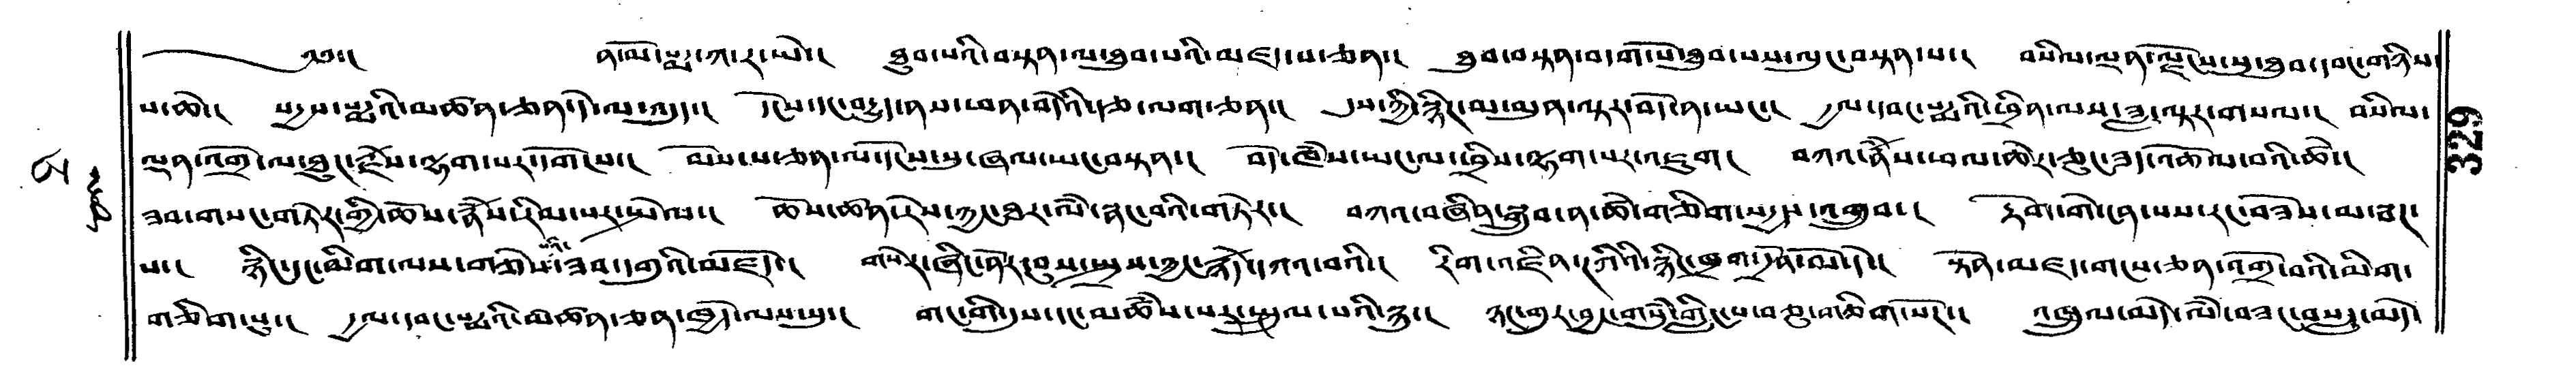༄༅། ན་མོ་པདྨ་ཀ་ར་ཡེ། ཐུབ་པའི་བསྟན་ལ་ཐུབ་པའི་མཛད་པ་ཅན། །ཐུབ་བསྟན་བདག་པོར་ཐུབ་པས་ལུང་བསྟན་པ། །བསིལ་ལྡན་ལྗོངས་སུ་ཐུབ་དབང་གཉིས་
པ་ཆེ། །སངས་རྒྱས་པདྨའི་མཚན་ཅན་དེ་ལ་འདུད། །དངོས་དང་བརྒྱུད་ནས་ཕན་བདེའི་རྩ་ལག་ཅན། །དུས་ཀྱི་སྙིགས་མ་མུན་ལྟར་བདོ་ན་ཡང་། །རྒྱལ་དབང་པདྨའི་ཕྲིན་ལས་ཟླ་ལྟར་གསལ། །བསིལ་
ལྡན་འགྲོ་ལ་ཐུགས་རྗེས་ལྷག་པར་དགོངས། །མོས་པ་ཅན་ལ་དངོས་སུ་ཞལ་ཡང་བསྟན། །བོད་ཁམས་ཡོངས་ལ་ཕྲིན་ལས་ལྷག་པར་འཇུག །བཀའ་རྣམས་ཕལ་ཆེར་ཅུང་ཟད་འཆོལ་བའི་ཚེ། །
ཟབ་གསང་གཏེར་གྱི་ཆོས་རྣམས་རིམ་པར་སྤེལ། །ཆོས་ཚན་རེས་ཀྱང་ཐར་ལམ་སྣང་བའི་གཏེར། །བཀའ་བཞིན་བསྒྲུབས་ན་ཚེ་གཅིག་སངས་རྒྱས་འགྲུབ། །རྟོག་གེ་ངན་པས་རང་བཟོས་མ་སྦགས་
པ། །སྙིང་དང་མིག་ལས་གཅེས་པའི་ཟབ་དགུའི་མཛོད། །གསེར་ཞིང་ནོར་བུས་སྤྲས་ཀྱང་རྙེད་དཀའ་བའི། །རིག་འཛིན་ཌཀྐིའི་སྙིང་ཁྲག་དྲོན་མོད་དེ། །སྟོན་མཛད་གངས་ཅན་འགྲོ་བའི་མིག་
གཅིག་པུ། །རྒྱལ་དབང་པདྨའི་མཚན་ཅན་ཁྱེད་ལས་སུ། །གང་གི་དུས་དང་མཚམས་པར་སྤྲུལ་པའི་སྐུ། །ཉང་གུར་བྱང་གསུམ་གླིང་པ་བཅུ་གཅིག་སོགས། །འཁྲུལ་མེད་ལམ་བཟང་བསླད་མེད་